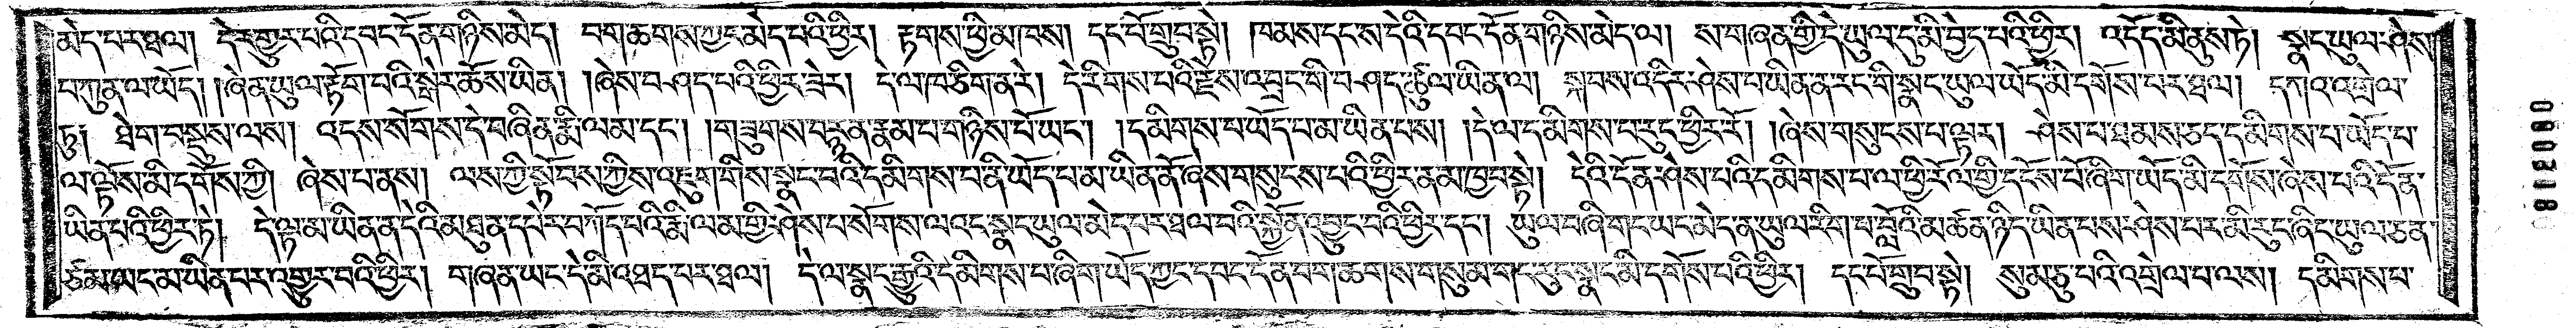མེད་པར་ཐལ། དེར་གྱུར་པའི་དབང་དོན་གཉིས་མེད། བག་ཆགས་ཀྱང་མེད་པའི་ཕྱིར། རྟགས་ཕྱི་མཁས། དང་པོ་གྲུབ་སྟེ། ཁམས་དང་ས་དེའི་དབང་དོན་གཉིས་མེད་ལ། ས་གཞན་གྱི་དེ་ཡུལ་དུ་མི་བྱེད་པའི་ཕྱིར། འདོད་མི་ནུས་ཏེ། སྣང་ཡུལ་ཤེས་
པ་ཀུན་ལ་ཡོད། །ཞེ་ན་ཡུལ་རྟོག་པའི་སྒེར་ཆོས་ཡིན། །ཞེས་བཤད་པའི་ཕྱིར་ཟེར། དེ་ལ་ཁ་ཅིག་ན་རེ། དེ་རིགས་པའི་རྗེས་འབྲང་གི་བཤད་ཚུལ་ཡིན་ལ། སྐབས་འདིར་ཤེས་པ་ཡིན་ན་རང་གི་སྣང་ཡུལ་ཡོད་མི་དགོས་པར་ཐལ། དཀའ་འགྲེལ་
ཏུ༑ ཐེག་བསྡུས་ལས། འདས་སོགས་དེ་བཞིན་རྨི་ལམ་དང་། །གཟུགས་བརྙན་རྣམ་པ་གཉིས་པོ་ཡང་། །དམིགས་པ་ཡོད་པ་མ་ཡིན་པས། །དེ་ལ་དམིགས་པ་རུང་ཕྱིར་རོ། །ཞེས་གསུངས་པ་ལྟར། ཤེས་པ་ཐམས་ཅད་དམིགས་པ་ཡོད་པ་
ལ་ལྟོས་མི་དགོས་ཀྱི། ཞེས་པ་ནས། ལས་ཀྱི་སྟོབས་ཀྱིས་འཇུག་གིས་སྣང་བའི་དམིགས་པ་ནི་ཡོད་པ་མ་ཡིན་ནོ་ཞེས་གསུངས་པའི་ཕྱིར་ན་མ་ཁྱབ་སྟེ། དེའི་དོན་ཤེས་པའི་དམིགས་པ་ལ་ཕྱི་རོལ་གྱི་དངོས་པོ་ཞིག་ཡོད་མི་དགོས་ཞེས་པའི་དོན་
ཡིན་པའི་ཕྱིར་ཏེ། དེ་ལྟ་མ་ཡིན་ན་དེའི་མཐུན་དཔེར་བཀོད་པའི་རྨི་ལམ་གྱི་ཤེས་པ་སོགས་ལའང་སྣང་ཡུལ་མེད་པར་ཐལ་བའི་སྐྱོན་འབྱུང་བའི་ཕྱིར་དང་། ཡུལ་བཞི་གང་ཡང་མེད་ན་ཡུལ་རིག་པ་བློའི་མཚན་ཉིད་ཡིན་པས་ཤེས་པར་མི་རུང་ཞིང་ཡུལ་ཅན་
ཙམ་ཡང་མ་ཡིན་པར་འགྱུར་པའི་ཕྱིར། གཞན་ཡང་དེ་མི་འཐད་པར་ཐལ། དེ་ལ་སྣང་རྒྱུའི་དམིགས་པ་ཞིག་ཡོད་ཀྱང་དབང་དོན་བག་ཆགས་གསུམ་གང་རུང་སྣང་མི་དགོས་པའི་ཕྱིར། དང་པོ་གྲུབ་སྟེ། སུམ་ཅུ་པའི་འགྲེལ་པ་ལས། དམིགས་པ་